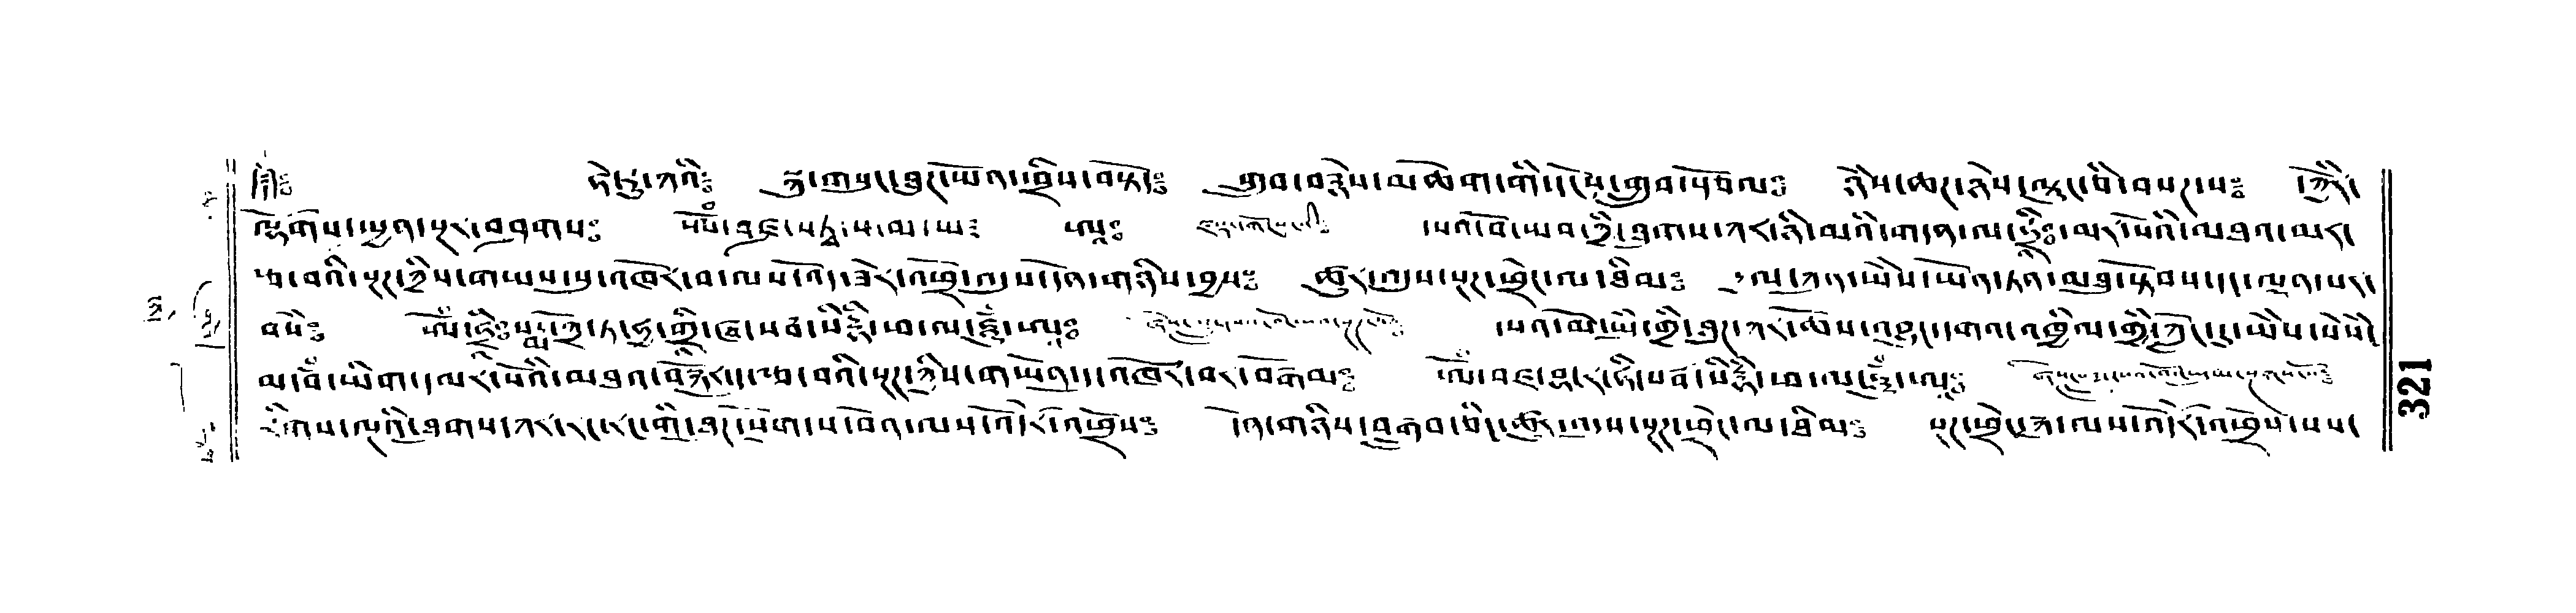ཧེ་རུ་ཀའིཿ སྐུ་གསུང་ཐུགས་ཡོན་ཕྲིན་ལས་བསྟོད༔ གྲུབ་བརྙེས་མཆོག་གི་དངོས་གྲུབ་སྩོལ༔ ཉམས་ཆག་ཉེས་ལྟུང་ཅི་བསགས་པ༔ དཀྱིལ་འཁོར་
ལྷ་ཚོགས་སྤྱན་སྔར་བཤགས༔ ཨོཾ་བཛྲ་སཏྭ་ས་མ་ཡ༴ ཨཱཿ འཛབ་དགོངས་ནི༔ དཔའ་བོ་ཡབ་ཀྱི་ཐུགས་ཀར་ཉི་མའི་གདན་ལ་ཧྲཱིཿདམར་པོའི་མཐའ་མར་
རྩ་བའི་སྔགས་ཀྱིས་གཡས་སུ་འཁོར་བ་ལས་འོད་ཟེར་འཕྲོ་འདུས་དོན་གཉིས་བྱས༔ ཚུར་འདུས་སྔགས་ཕྲེང་ལ་ཐིམ༔ རྒྱལ་ཀུན་ཡེ་ཤེས་ཡོན་ཏན་མཐུ་སྟོབས་དང་ལྡན་པར་
བསམ༔ ཨོཾ་ཧྲཱིཿཔདྨ་ཀྲོ་ཏ་ཧྱ་གྲཱི་ཝ་སརྦ་སིདྡྷི་ཕ་ལ་ཧཱུྃ་ཨཱཿ ཞེས་བཟླ་དཔའ་བོ་ཡབ་སྔགས་སོཿ དཔའ་མོ་ཡུམ་གྱི་ཐུགས་ཀར་ཆོས་འབྱུང་དགའ་འཁྱིལ་གྱི་ཀློང་དུ་ཡེ་ཤེས་སེམས་
མ་བྃ་ཡིག་དམར་པོའི་མཐའ་བསྐོར་དུ་རྩ་བའི་སྔགས་ཀྱིས་གཡོན་དུ་འཁོར་བར་བསྒོམ༔ ཨོཾ་བཛྲ་བྷ་ར་ཧི་སརྦ་སིདྡྷི་ཕ་ལ་ཧཱུྃ་ཨཱཿ ཞེས་བཟླ་དཔའ་མོ་ཡུམ་སྔགས་སོ༔ 
རིགས་ལྔའི་ཐུགས་ཀར་རང་རང་གི་ཐུགས་སྲོག་ས་བོན་ལས་འོད་ཟེར་འཕྲོས༔ དོན་གཉིས་བསྒྲུབ་ཅིང་ཚུར་འདུས་སྔགས་ཕྲེང་ལ་ཐིམཿ སྔགས་ཕྲེང་སྐུ་ལས་འོད་ཟེར་འཕྲོས་པས་